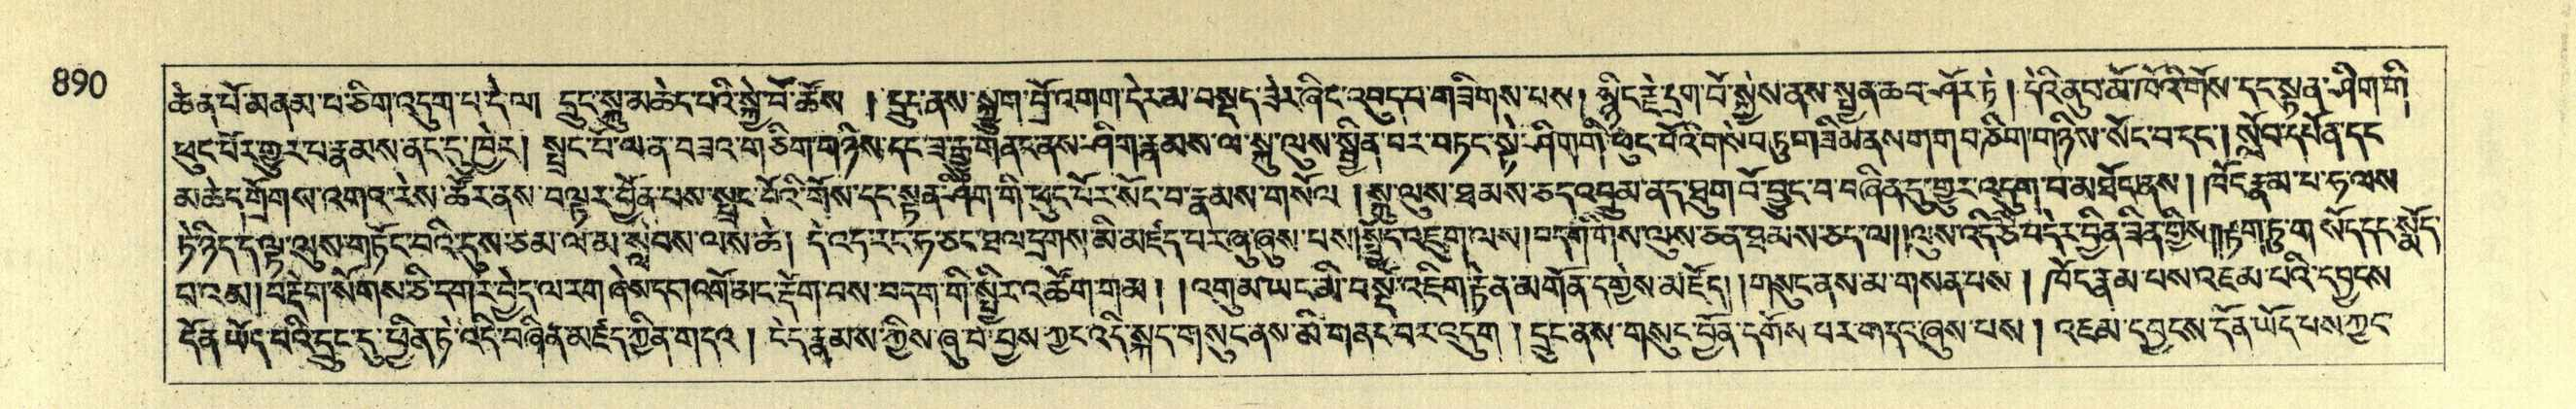ཆེན་པོ་མནམ་པ་ཅིག་འདུག་པ་དེ་ལ། དྲུང་སྐུ་མཆེད་པའི་སྐྱེ་བོ་ཚོས་།དྲུང་ནས་སྐྱུག་བྲོ་འགག་དེར་མ་བསྡད་ཟེར་ཞིང་འབུད་པ་གཟིགས་པས། སྙིང་རྗེ་དྲག་པོ་སྐྱེས་ནས་སྤྱན་ཆབ་ཤོར་ཏེ། དེའི་ནུབ་མོ་ཁོའི་གོས་དང་སྟན་ཤིག་གི་
ཕུང་པོར་གྱུར་པ་རྣམས་ནང་དུ་ཁྱེར། སྤྲང་པོ་ལ་ན་བཟའ་གཅིག་གཉིས་དང་ཟ་རྒྱུ་གནང་ནས་ཤིག་རྣམས་ལ་སྐུ་ལུས་སྦྱིན་བར་བཏང་སྟེ་ཤིག་གི་ཕུང་པོའི་གསེབ་ཏུ་གཟིམ་ནས་གག་བ་ཎིག་གཉིས་སོང་བ་དང་། སློབ་དཔོན་དང་
མཆེད་གྲོགས་འགའ་རེས་ཚོར་ནས་བལྟར་བྱོན་པས་སྤྲང་པོའི་གོས་དང་སྟན་ཤིག་གི་ཕུང་པོར་སོང་བ་རྣམས་གསོལ་།སྐུ་ལུས་ཐམས་ཅད་འབྲུམ་ནད་ཐུག་བོ་བྱུང་བ་བཞིན་དུ་གྱུར་འདུག་པ་མཐོང་ནས། ཁོང་རྣམ་པ་ཧ་ལས་
ཏེ་ཉིད་ད་ལྟ་ལུས་གཏོང་བའི་དུས་ཙམ་ལ་མ་སླེབས་ལས་ཆེ། དེ་འད་རང་ཧ་ཅང་ཐལ་དྲགས་མི་མཛད་པར་ཞུ་ཞུས་པས། སྤྱོད་འཇུག་ལས། བདག་གིས་ལུས་ཅན་ཐམས་ཅད་ལ། །ལུས་འདི་ཅི་བདེར་བྱིན་ཟིན་གྱིས། །རྟག་ཏུ་གསོད་དང་སྨོད་
བ་འམ། བརྡེག་སོགས་ཅི་དགར་བྱེད་ལ་རག་ཞེས་དང་། འགོ་མང་རྡོག་བས་བདག་གི་སྤྱིར་འཚོག་གམ། །འགུམ་ཡང་མི་བསྔོ་འཇིག་རྟེན་མགོན་དགྱེས་མཛོད། །གསུང་ནས་མ་གསན་པས། ཁོང་རྣམ་པས་འཇམ་པའི་དབྱངས་
དོན་ཡོད་པའི་དྲུང་དུ་ཕྱིན་ཏེ་འདི་བཞིན་མཛད་ཀྱིན་གདའ། ངེད་རྣམས་ཀྱིས་ཞུ་བ་བྱས་ཀྱང་འདི་སྐད་གསུང་ནས་མི་གནང་བར་འདུག །དྲུང་ནས་གསུང་བྱོན་དགོས་པར་གདའ་ཞུས་པས། འཇམ་དབྱངས་དོན་ཡོད་པས་ཀྱང་